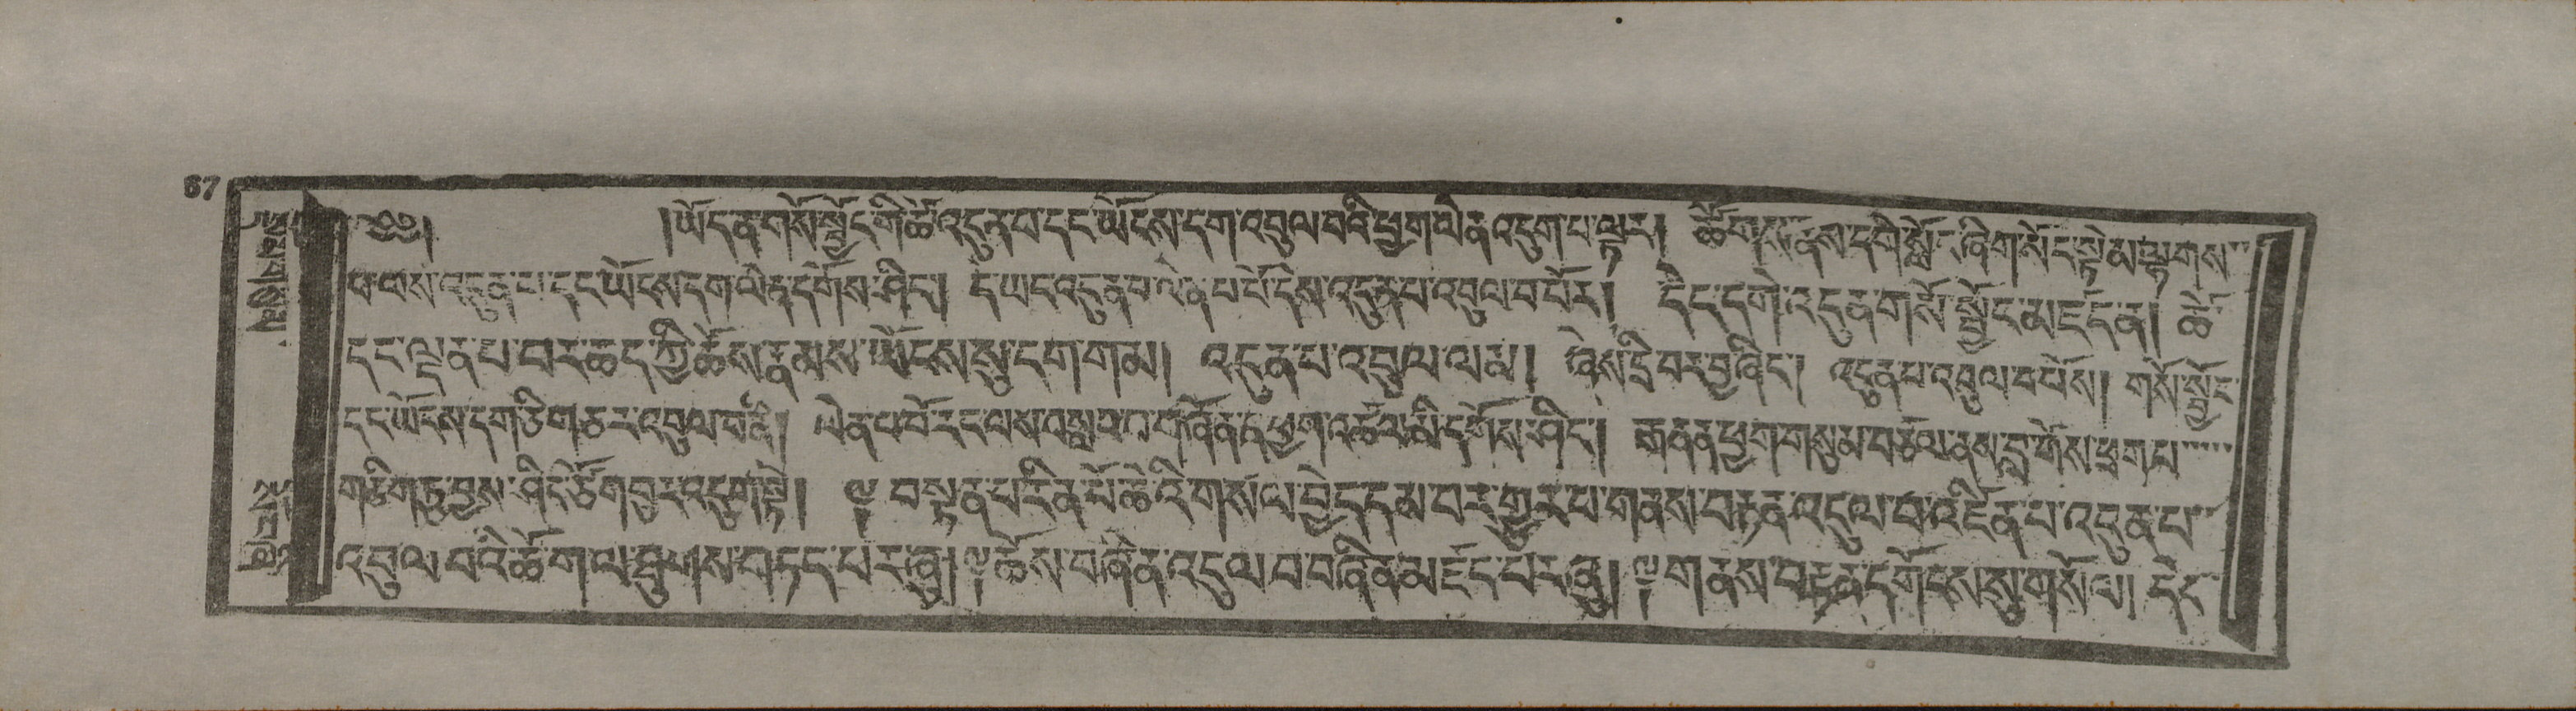༄༅། །ཡོད་ན་གསོ་སྦྱོང་གི་ཚེ་འདུན་པ་དང་ཡོངས་དག་འབུལ་བའི་ཕྱག་ལེན་འདུག་པ་ལྟར། ཚོགས་ནས་དགེ་སློང་ཞིག་སོང་སྟེ་མ་ལྷགས་
པ་ལས་འདུན་པ་དང་ཡོངས་དག་ལེན་དགོས་ཤིང་། དེ་ཡང་འདུན་པ་ལེན་པ་པོ་དེས་འདུན་པ་འབུལ་བ་པོར། དེད་དགེ་འདུན་གསོ་སྦྱོང་མཛད་ན། ཚེ་
དང་ལྡན་པ་བར་ཆད་ཀྱི་ཆོས་རྣམས་ཡོངས་སུ་དག་གམ། འདུན་པ་འབུལ་ལམ། ཞེས་དྲི་བར་བྱ་ཞིང་། འདུན་པ་འབུལ་བ་པོས། གསོ་སྦྱོང་
དང་ཡོངས་དག་ཅིག་ཅར་འབུལ་བ་ནི། ལེན་པ་པོ་རང་ལས་བསླབ་པ་གཞོན་ན་ཕྱག་འཚལ་མི་དགོས་ཤིང་། རྒན་ན་ཕྱག་གསུམ་བཙལ་ནས་བླ་གོས་ཕྲག་པ་
གཅིག་ཏུ་བྱས་ཤིང་ཙོག་བུར་འདུག་སྟེ། ༈ བསྟན་པ་རིན་པོ་ཆེའི་གསལ་བྱེད་དམ་པར་གྱུར་པ་གནས་བརྟན་འདུལ་བ་འཛིན་པ་འདུན་པ་
འབུལ་བའི་ཆོ་ག་ལ་ཐུགས་གཏད་པར་ཞུ། ༈ ཆོས་བཞིན་འདུལ་བ་བཞིན་མཛད་པར་ཞུ། ༈ གནས་བརྟན་དགོངས་སུ་གསོལ། དེང་